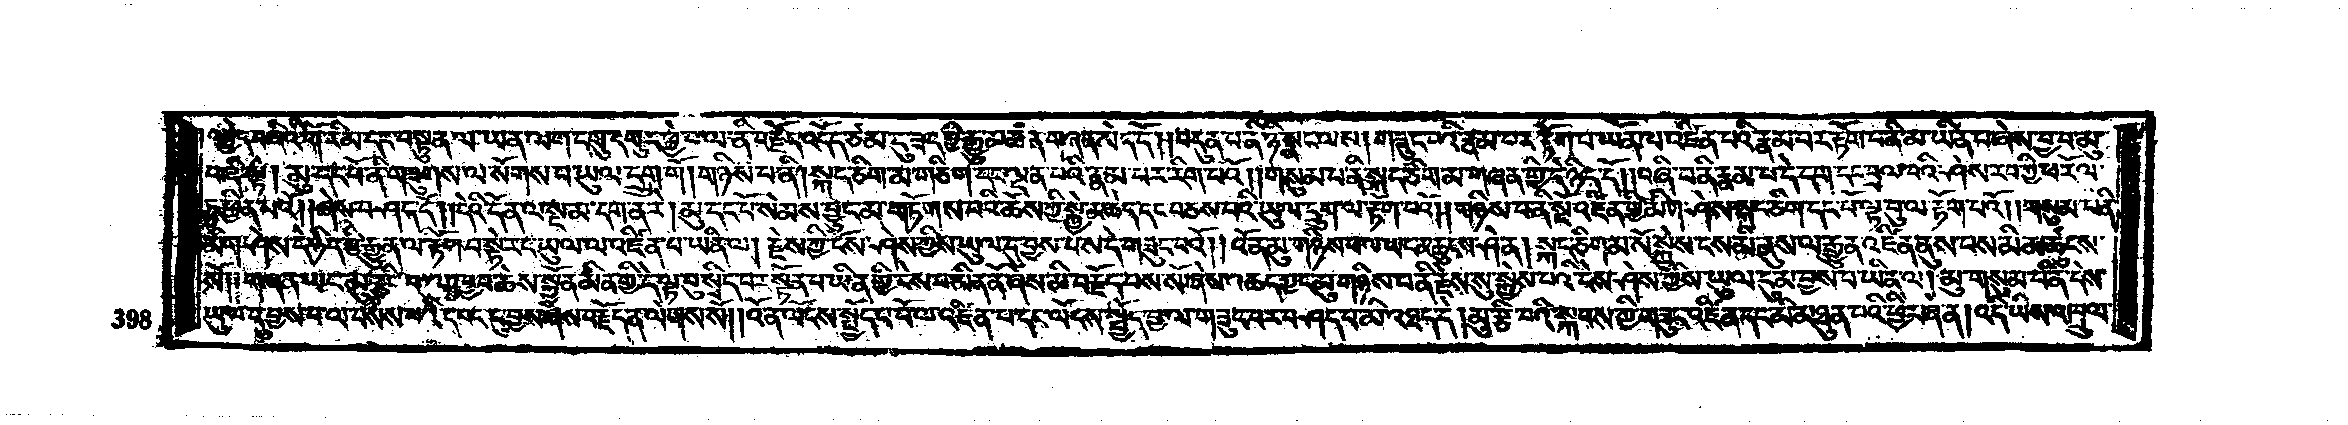འབྱེད་བཞིའི་གོ་རིམ་དང་བསྟུན་ལ་ཡན་ལག་དགུ་དགུར་ཕྱེ་བ་ལ་ནི་བརྗོད་འདོད་ཙམ་དུ་ཟད་ཀྱི་རྒྱུ་མཚན་གཞན་མེད་དོ། །བདུན་པ་ནི་ཉི་སྣང་ལས། གཟུང་བའི་རྣམ་པར་རྟོག་པ་ཡིན་ལ་འཛིན་པའི་རྣམ་པར་རྟོག་པ་ནི་མ་ཡིན་པ་ཞེས་བྱ་བ་མུ་
བཞི་སྟེ། མུ་དང་པོ་ནི་གཟུགས་ལ་སོགས་པ་ཡུལ་དྲུག་གོ །གཉིས་པ་ནི། སྐད་ཅིག་མ་གཅིག་དང་ལྡན་པའི་རྣམ་པར་རིག་པའོ། །གསུམ་པ་ནི་སྐད་ཅིག་མ་གཞན་གྱི་དེ་ཉིད་དོ། །བཞི་པ་ནི་རྣམ་པ་དེ་དག་དང་བྲལ་བའི་ཤེས་རབ་ཀྱི་ཕ་རོལ་
ཏུ་ཕྱིན་པའོ། །ཞེས་བཤད་དོ། །དེའི་དོན་ལ་སྔ་མ་དག་ན་རེ། མུ་དང་པོ་སེམས་བྱུང་མ་གཏོགས་པའི་ཆོས་ཀྱི་སྐྱེ་མཆེད་དང་བཅས་པའི་ཡུལ་དྲུག་ལ་རྟོག་པའོ། །གཉིས་པ་ནི་སྔོ་འཛིན་གྱི་མི་ཤེས་སྐད་ཅིག་དང་པོ་ལྟ་བུ་ལ་རྟོག་པའོ། །གསུམ་པ་ནི་
མིག་ཤེས་དེ་ཉིད་ཀྱི་རྒྱུན་ལ་རྟོག་པ་སྟེ་རང་ཡུལ་ལ་འཛིན་པ་ཡིན་ལ། རྗེས་ཀྱི་ངེས་ཤེས་ཀྱིས་ཡུལ་དུ་བྱས་པས་དེ་གཟུང་བའོ། །འོ་ན་མུ་གཉིས་པ་ལ་ཡང་མཚུངས་ཤེ་ན། སྐད་ཅིག་མ་སོ་སྐྱེས་ངེས་མི་ནུས་ལ་རྒྱུན་འཛིན་ནུས་པས་མི་མཚུངས་
སོ༑ ༑གཞན་ཡང་མུ་རྩི་བ་ལ་ཁྱབ་ཆེས་སྐྱོན་མིན་གྱི་དེ་ལྟ་བུ་སྲིད་པར་སྟོན་པ་ཡིན་གྱི་ངེས་པ་མིན་ནོ་ཞེས་མི་བརྗོད་པས་སོ་ཞེས་འཆད་ཀྱང་མུ་གཉིས་པ་ནི་རྗེས་སུ་སྐྱེས་པའི་ངེས་ཤེས་ཀྱིས་ཡུལ་དུ་མ་བྱས་པ་ཡིན་ལ། མུ་གསུམ་པ་ནི་དེས་
ཡུལ་དུ་བྱས་པ་ལ་བསམས་པའི་དབང་དུ་བྱས་ཞེས་བརྗོད་ན་ལེགས་སོ། །འོ་ན་ལོངས་སྤྱོད་པ་པོ་ལ་འཛིན་པ་དང་ལོངས་སྤྱད་བྱ་ལ་གཟུང་བར་བཤད་པ་མི་འཐད་དེ། མུ་རྩི་བའི་སྐབས་ཀྱི་གཟུང་འཛིན་དང་མི་མཐུན་པའི་ཕྱིར་ཞེ་ན། འདི་ཡིས་འཁྲུལ་